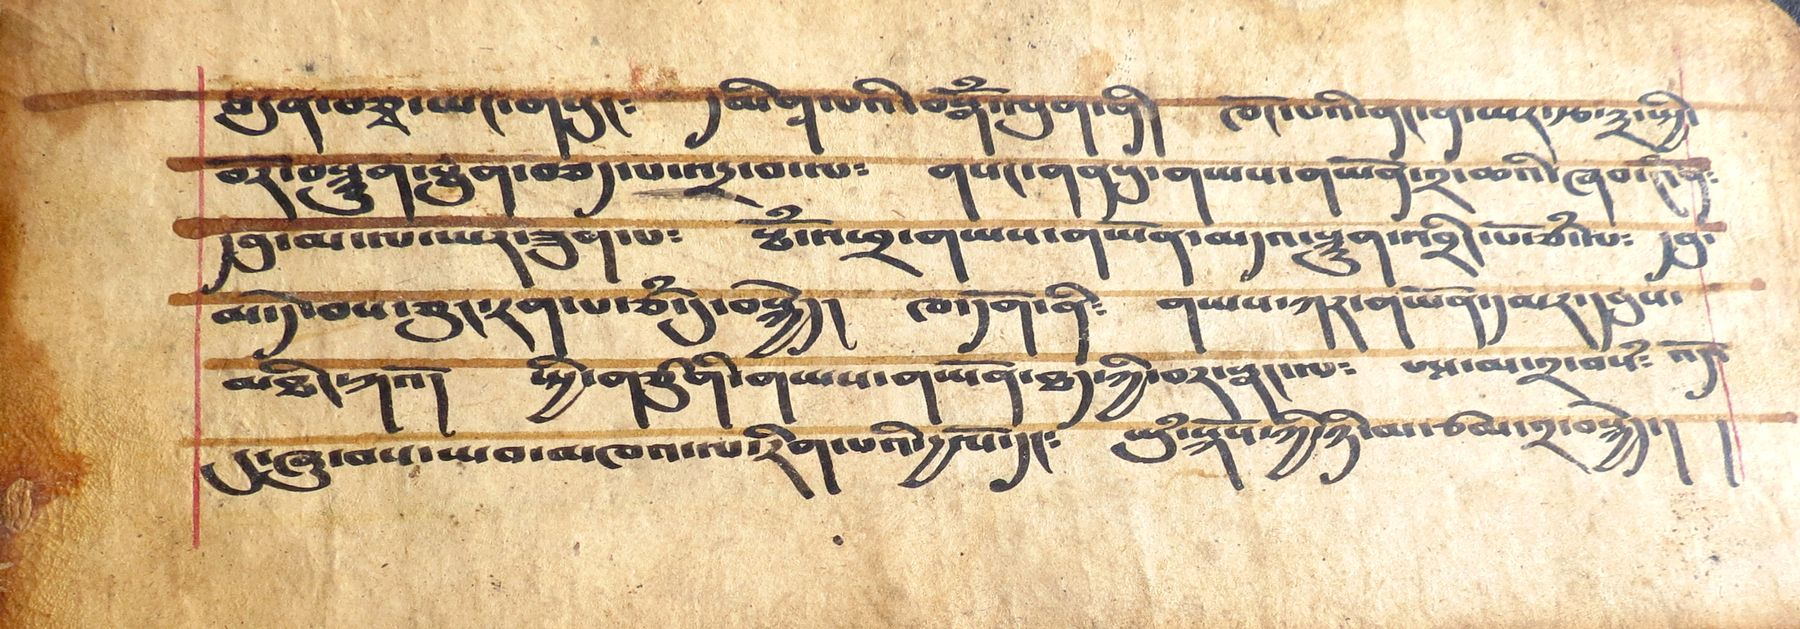བདུན་བཅའ་ཡང་གསུངས། དམིགས་པའི་སྒོམ་ལུགས་ནི། ཁོག་པའི་ནང་ནས་ཡར་རྩ་གསུམ་སྤྱི་
བོར་སྙུགས་སྦུབས་བཅད་པ་འདྲ་བ་ལ། གསང་གནས་སུ་གཡས་གཡོན་གཉིས་ཀ་ཡི་གེ་ཆའི་ཞབས་བཞིན་
དབུ་མ་ལ་ཡར་ཟུགས་པ། སྦོམ་ཕྲ་གཡས་གཡོན་མདའ་སྙུག་འབྲིང་པོ་ཙམ་ལ། དབུ་
མ་དེ་བས་ཅུང་རགས་པ་ཙམ་དུ་བསྐྱེད། ཁ་དོག་ནི་གཡས་དཀར་གཡོན་དམར་དབུས་
མཐིང་ཁའོ། སྤྱི་གཙུག་གི་གཡས་གཡོན་གྱི་ཐད་ཀའི་བར་སྣང་ལ་ཨ་མ་གཉིས་བསམ། འོད་
དུ་ཞུ་ནས་ཡབ་མཁའ་ལ་རིག་པའི་རྒྱལ་པོ་དང་། ཡུམ་སྐོས་ཀྱི་ཉི་མ་༼གཞའ༽ཙམ་གཉིས་བསྐྱེད།